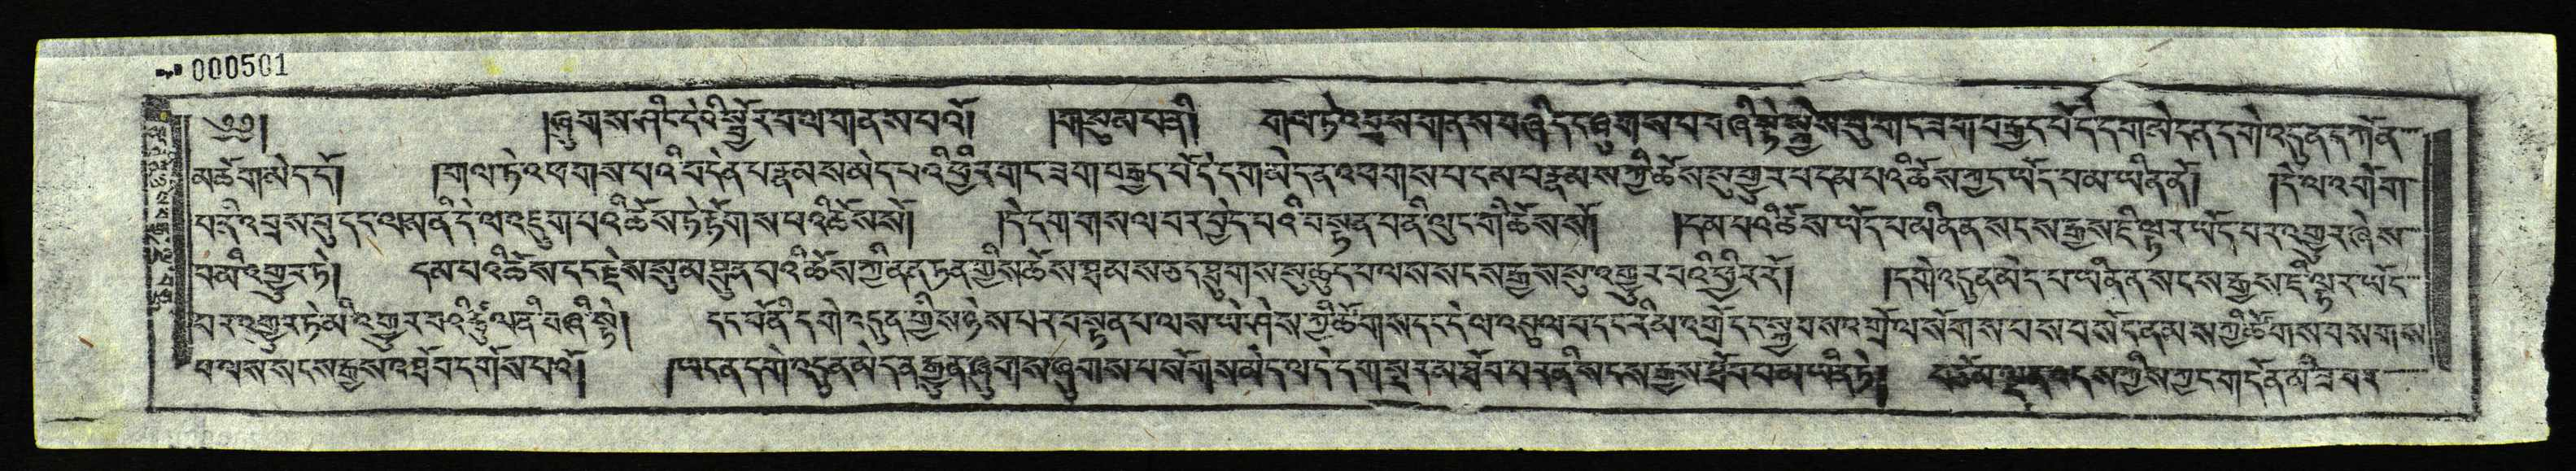༄༅། །ཞུགས་ཤིང་དེའི་སྦྱོར་བ་ལ་གནས་པའོ། །གསུམ་པ་ནི། གལ་ཏེ་འབྲས་གནས་བཞི་དང་ཞུགས་པ་བཞི་སྟེ་སྐྱེས་བུ་གང་ཟག་བརྒྱད་པོ་དེ་དག་མེད་ན་དགེ་འདུན་དཀོན་
མཆོག་མེད་དོ། །གལ་ཏེ་འཕགས་པའི་བདེན་པ་རྣམས་མེད་པའི་ཕྱིར་གང་ཟག་བརྒྱད་པོ་དེ་དག་མེད་ན་འཕགས་པ་དམ་པ་རྣམས་ཀྱི་ཆོས་སུ་གྱུར་པ་དམ་པའི་ཆོས་ཀྱང་ཡོད་པ་མ་ཡིན་ནོ། །དེ་ལ་འགོག་
པ་ནི་འབྲས་བུ་དང་ལས་ནི་དེ་ལ་འཇུག་པའི་ཆོས་ཏེ་རྟོགས་པའི་ཆོས་སོ། །དེ་དག་གསལ་བར་བྱེད་པའི་བསྟན་པ་ནི་ལུང་གི་ཆོས་སོ། །དམ་པའི་ཆོས་ཡོད་པ་མིན་ན་སངས་རྒྱས་ཇི་ལྟར་ཡོད་པར་འགྱུར་ཞེས་
པ་མི་འགྱུར་ཏེ། དམ་པའི་ཆོས་དང་རྗེས་སུ་མཐུན་པའི་ཆོས་ཀྱི་ནན་ཏན་གྱིས་ཆོས་ཐམས་ཅད་ཐུགས་སུ་ཆུད་པ་ལས་སངས་རྒྱས་སུ་འགྱུར་བའི་ཕྱིར་རོ། །དགེ་འདུན་མེད་པ་ཡིན་ན་སངས་རྒྱས་ཇི་ལྟར་ཡོད་
པར་འགྱུར་ཏེ་མི་འགྱུར་བའི་ཚུལ་ནི་བཞི་སྟེ། དང་པོ་ནི་དགེ་འདུན་གྱིས་ཉེས་པར་བསྟན་པ་ལས་ཡེ་ཤེས་ཀྱི་ཚོགས་དང་དེ་ལ་འབུལ་བ་དང་རིམ་འགྲོ་དང་སྐྱབས་འགྲོ་ལ་སོགས་པས་བསོད་ནམས་ཀྱི་ཚོགས་བསགས་
པ་ལས་སངས་རྒྱས་འཐོབ་དགོས་པའོ། །ཡང་ན་དགེ་འདུན་མེད་ན་རྒྱུན་ཞུགས་ཞུགས་པ་སོགས་མེད་ལ་དེ་དག་སྔར་མ་ཐོབ་པར་ནི་སངས་རྒྱས་ཐོབ་པ་མ་ཡིན་ཏེ། བཅོམ་ལྡན་འདས་ཀྱིས་ཀྱང་གདོན་མི་ཟ་བར་